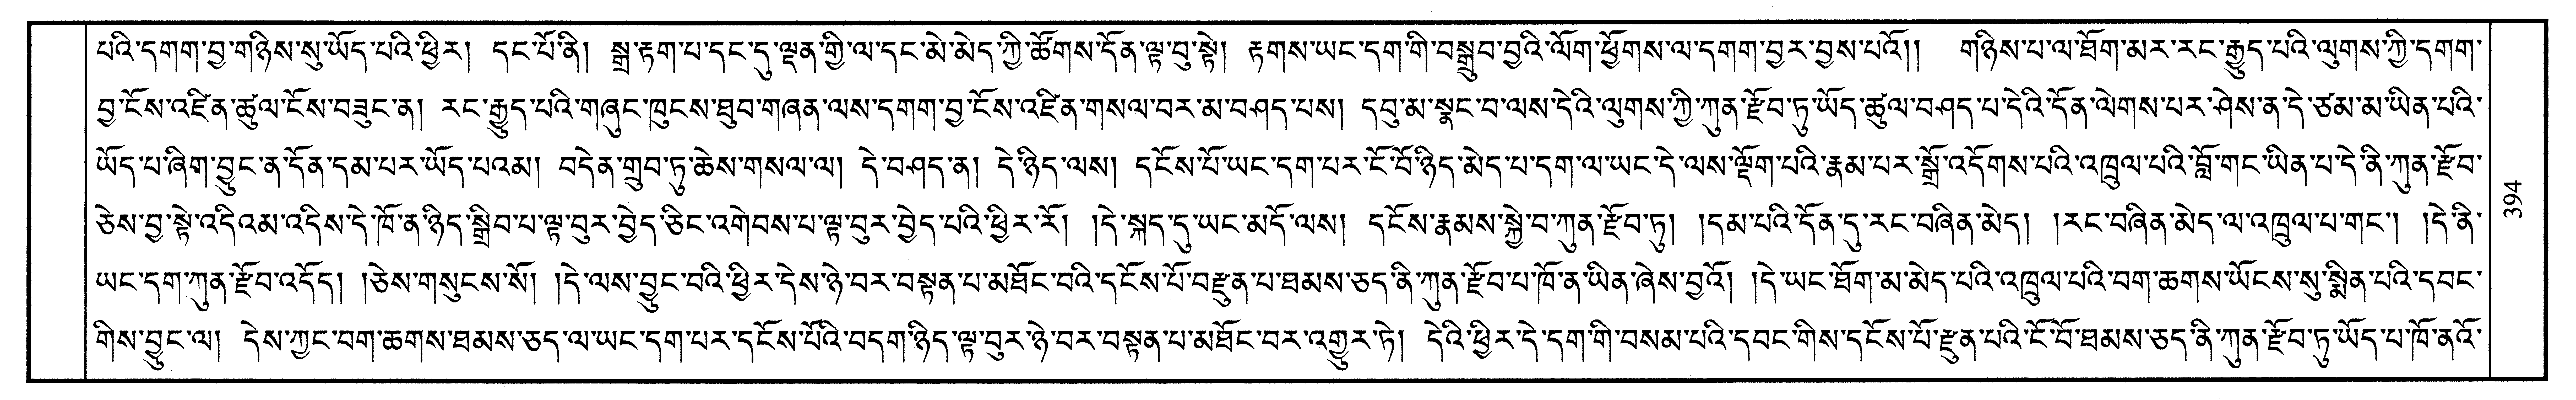པའི་དགག་བྱ་གཉིས་སུ་ཡོད་པའི་ཕྱིར། དང་པོ་ནི། སྒྲ་རྟག་པ་དང་དུ་ལྡན་གྱི་ལ་དང་མེ་མེད་ཀྱི་ཚོགས་དོན་ལྟ་བུ་སྟེ། རྟགས་ཡང་དག་གི་བསྒྲུབ་བྱའི་ལོག་ཕྱོགས་ལ་དགག་བྱར་བྱས་པའོ།། གཉིས་པ་ལ་ཐོག་མར་རང་རྒྱུད་པའི་ལུགས་ཀྱི་དགག་
བྱ་ངོས་འཛིན་ཚུལ་ངོས་བཟུང་ན། རང་རྒྱུད་པའི་གཞུང་ཁུངས་ཐུབ་གཞན་ལས་དགག་བྱ་ངོས་འཛིན་གསལ་བར་མ་བཤད་པས། དབུ་མ་སྣང་བ་ལས་དེའི་ལུགས་ཀྱི་ཀུན་རྫོབ་ཏུ་ཡོད་ཚུལ་བཤད་པ་དེའི་དོན་ལེགས་པར་ཤེས་ན་དེ་ཙམ་མ་ཡིན་པའི་
ཡོད་པ་ཞིག་བྱུང་ན་དོན་དམ་པར་ཡོད་པའམ། བདེན་གྲུབ་ཏུ་ཆེས་གསལ་ལ། དེ་བཤད་ན། དེ་ཉིད་ལས། དངོས་པོ་ཡང་དག་པར་ངོ་བོ་ཉིད་མེད་པ་དག་ལ་ཡང་དེ་ལས་ལྡོག་པའི་རྣམ་པར་སྒྲོ་འདོགས་པའི་འཁྲུལ་པའི་བློ་གང་ཡིན་པ་དེ་ནི་ཀུན་རྫོབ་
ཅེས་བྱ་སྟེ་འདིའམ་འདིས་དེ་ཁོ་ན་ཉིད་སྒྲིབ་པ་ལྟ་བུར་བྱེད་ཅིང་འགེབས་པ་ལྟ་བུར་བྱེད་པའི་ཕྱིར་རོ། །དེ་སྐད་དུ་ཡང་མདོ་ལས། དངོས་རྣམས་སྐྱེ་བ་ཀུན་རྫོབ་ཏུ། །དམ་པའི་དོན་དུ་རང་བཞིན་མེད། །རང་བཞིན་མེད་ལ་འཁྲུལ་པ་གང་། །དེ་ནི་
ཡང་དག་ཀུན་རྫོབ་འདོད། །ཅེས་གསུངས་སོ། །དེ་ལས་བྱུང་བའི་ཕྱིར་དེས་ཉེ་བར་བསྟན་པ་མཐོང་བའི་དངོས་པོ་བརྫུན་པ་ཐམས་ཅད་ནི་ཀུན་རྫོབ་པ་ཁོ་ན་ཡིན་ཞེས་བྱའོ། །དེ་ཡང་ཐོག་མ་མེད་པའི་འཁྲུལ་པའི་བག་ཆགས་ཡོངས་སུ་སྨིན་པའི་དབང་
གིས་བྱུང་ལ། དེས་ཀྱང་བག་ཆགས་ཐམས་ཅད་ལ་ཡང་དག་པར་དངོས་པོའི་བདག་ཉིད་ལྟ་བུར་ཉེ་བར་བསྟན་པ་མཐོང་བར་འགྱུར་ཏེ། དེའི་ཕྱིར་དེ་དག་གི་བསམ་པའི་དབང་གིས་དངོས་པོ་རྫུན་པའི་ངོ་བོ་ཐམས་ཅད་ནི་ཀུན་རྫོབ་ཏུ་ཡོད་པ་ཁོ་ནའོ་